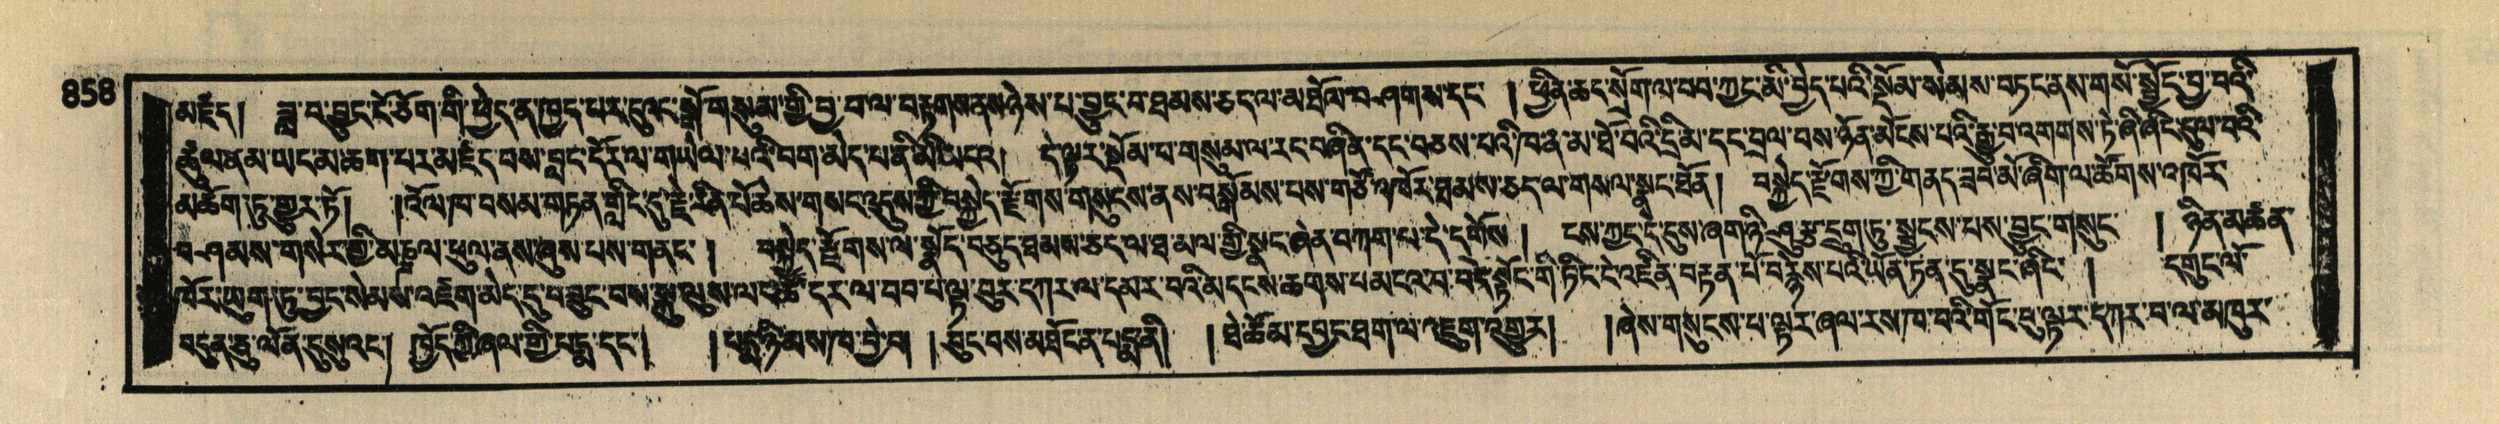མཛད། ཟླ་བ་བྱུང་ངོ་ཅོག་གི་ཕྱེད་ན་ཁྱད་པར་དུའང་སྒོ་གསུམ་གྱི་བྱ་བ་ལ་བརྟགས་ནས་ཉེས་པ་བྱུང་བ་ཐམས་ཅད་ལ་མཐོལ་བཤགས་དང་། ཕྱིན་ཆད་སྲོག་ལ་བབ་ཀྱང་མི་བྱེད་པའི་སྡོམ་སེམས་བཏང་ནས་གསོ་སྦྱོད་བྱ་བའི་
ཚུལ་ནམ་ཡང་མ་ཆག་པར་མཛད་པས་བླང་དོར་ལ་གཡེལ་པའི་བག་མེད་པ་ནི་མི་མངའ། དེ་ལྟར་སྡོམ་པ་གསུམ་ལ་རང་བཞིན་དང་བཅས་པའི་ཁ་ན་མ་ཐོ་བའི་དྲི་མ་དང་བྲལ་བས་ཉོན་མོངས་པའི་རྒྱུ་བ་འགགས་ཏེ་ཞི་ཞིང་དུལ་བའི་
མཆོག་ཏུ་གྱུར་ཏོ། །འོལ་ཁ་བསམ་གཏན་གླིང་དུ་རྗེ་རིན་པོ་ཆེས་གསང་འདུས་ཀྱི་བསྐྱེད་རྫོགས་གསུངས་ནས་བསྒོམས་པས་གཙོ་འཁོར་ཐམས་ཅད་ལ་གསལ་སྣང་ཐོན། བསྐྱེད་རྫོགས་ཀྱི་གནད་ཟབ་མོ་ཞིག་ལ་ཚོགས་འཁོར་
བཤམས་གསེར་གྱི་མཎྜལ་ཕུལ་ནས་ཞུས་པས་གནང་། བསྐྱེད་རྫོགས་ལ་སྣོད་བཅུད་ཐམས་ཅད་ལ་ཐ་མལ་གྱི་སྣང་ཞེན་བཀག་པ་དེ་དགོས། ངས་ཀྱང་དེ་དུས་ཞག་ཉི་ཤུ་རྩ་དྲུག་ཏུ་སྦྱངས་པས་བྱུང་གསུང་། ཉིན་མཚན་
ཁོར་ཡུག་ཏུ་བྱང་སེམས་འཛག་མེད་དུ་བཟུང་བས་སྐུ་ལུས་ལང་ཚོ་དར་ལ་བབ་པ་ལྟ་བུར་དཀར་ལ་དམར་བའི་མདངས་ཆགས་པ་མངའ་བ་བདེ་སྟོང་གི་ཏིང་ངེ་འཛིན་བརྟན་པོ་བརྙེས་པའི་ཡོན་ཏན་དུ་སྣང་ཞིང་། དགུང་ལོ་
བདུན་ཅུ་ལོན་དུ་སུའང་། ཁྱོད་ཀྱི་ཞལ་གྱི་པདམ་དང་། །པདམ་ཉི་མས་ཁ་བྱེད་བ། །བུང་བས་མཐོང་ན་པདམ་ནི། །ཐེ་ཚོམ་དབྱང་ཐག་ལ་འཇུག་འགྱུར། །ཞེས་གསུངས་པ་ལྟར་ཞལ་རས་ཁ་བའི་གོང་བུ་ལྟར་དཀར་བ་ལ་མཁུར་